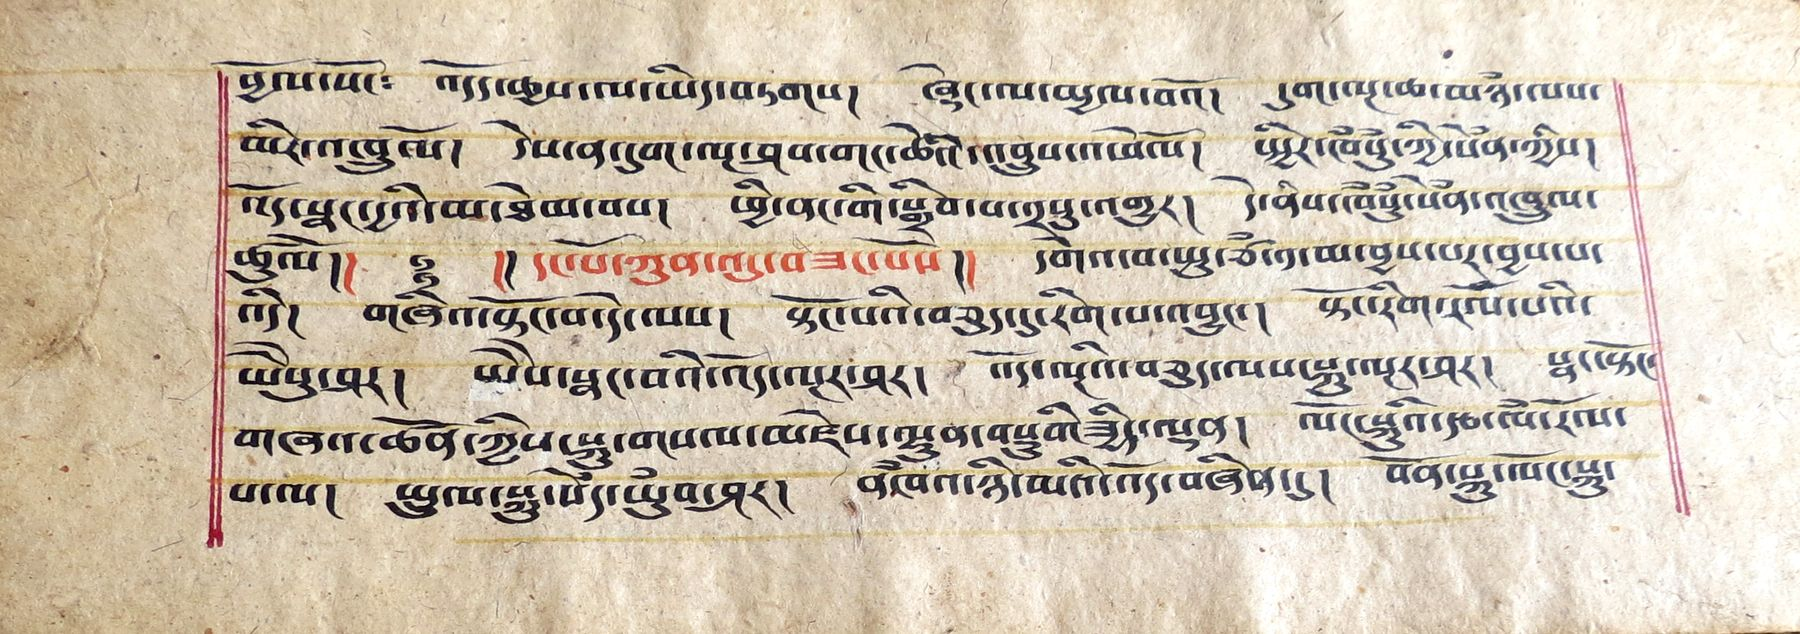བྱོལ་སོང་། འདོད་ཆགས་ལ་ཡི་དྭགས། ཞེ་སྡང་ལ་དམྱལ་བའོ། དུག་ལྔ་ཆ་མཉམ་ལས་
མིར་འཁྲུལ་ལོ། དེས་ན་དུག་ལྔ་ཤས་གང་ཆེའི་འབྲས་བུ་འཕེལ་ལོ། སྤྱིར་ཁམས་གསུམ་གྱི་སེམས་ཅན་གྱིས། 
འོད་སྣང་རྒྱ་ཡིས་མ་ཐེབ་པས། ཕྱི་ནང་གི་སྒྲིབ་པ་གཉིས་སུ་འགྱུར། དེ་ནས་ཁམས་གསུམ་སེམས་ཅན་འཁྲུལ་
ཚུལ་ལོ། ། དང་པོ་ཀུན་ཏུ་བཟང་པོས། དགེ་བ་སྤུ་ཙམ་ཅིག་མ་བྱས་པར་བྱས་པ་
འདི། གཞིའི་སྟོང་པ་དེ་ལས། སྟོང་པའི་བཅུད་དུ་རིག་པ་འབྱུང་། སྟོང་རིག་རོལ་པའི་
ཡེ་ཤེས་སུ་ཤར། ཡེ་ཤེས་སྣང་བའི་འོད་ལྔར་ཤར། འོད་ལྔའི་བཅུད་ལས་སྐུ་ལྔར་ཤར། སྣང་སྟོང་
གཞའ་ཚོན་གྱིས་སྐུ་གསལ་མཛེས་ལྷུན་སྡུག་གི་གཟི་བརྗིད་ལྡན། ལོངས་སྐུའི་རྩ་ལམ་རོལ་
པ་ལ། སྤྲུལ་སྐུ་སེམས་དཔའ་ཡབ་ཡུམ་ཤར། ནམ་མཁའ་ཉི་མའི་འོད་བཞིན་དུ། བོན་སྐུ་ལོངས་སྐུ་